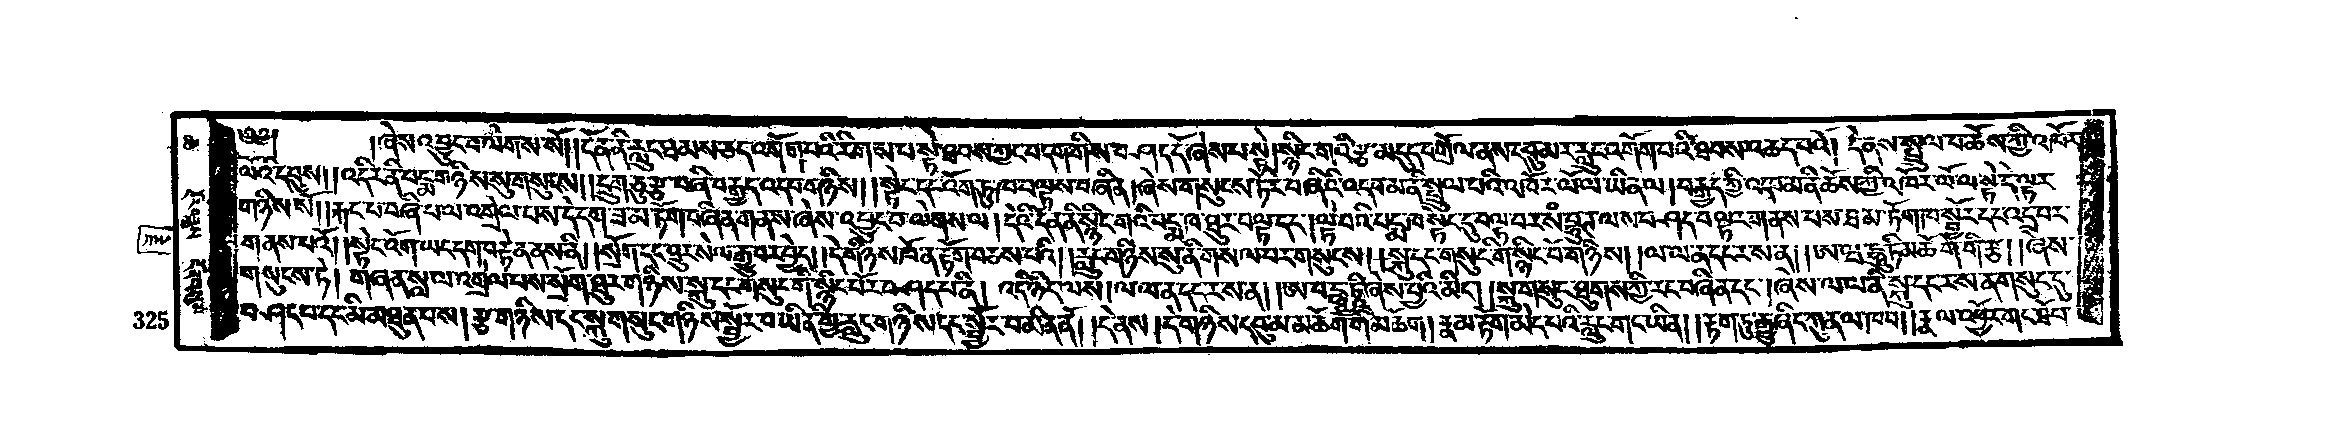༄༅། །ཞེས་འབྱུང་བ་ལེགས་སོ། །དོན་ནི་རླུང་ཐམས་ཅད་འགོག་པའི་རིགས་པ་སྟེ་ཐབས་ཀྱང་བདག་གིས་བཤད་དོ་ཞེས་པ་སྟེ། སྙིང་གའི་རྩ་མདུད་བགྲོལ་ནས་དབུ་མར་རླུང་འགོག་པའི་ཐབས་འཆད་པའོ། དེ་ནས་སྤྲུལ་པ་ཆོས་ཀྱི་འཁོར་
ལོའི་དབུས། །འདིར་ནི་པདམ་གཉིས་སུ་གསུངས། །དྲུག་ཅུ་རྩ་བཞི་བརྒྱད་འདབ་གཉིས། །སྟེང་དང་འོག་ཏུ་ཁ་བལྟས་བཞིན། ཞེས་གསུངས་ཏེ་རེ་བཞིའི་འདབ་མ་ནི་སྤྲུལ་པའི་འཁོར་ལོ་ལ་ཡིན་ལ། བརྒྱད་ཀྱི་འདབ་མ་ནི་ཆོས་ཀྱི་འཁོར་ལོ་ལ་སྟེ་དེ་ལྟར་
གཉིས་སོ། །རྐང་པ་བཞི་པ་ལ་འགྲེལ་པས་དེ་དག་ཟ་མ་ཏོག་བཞིན་གནས་ཞེས་འབྱུང་བ་ལེགས་ལ། དེའི་དོན་ནི་སྙིང་གའི་པདམ་ཁ་ཐུར་བ་ལྟ་དང་། ལྟེ་བའི་པདམ་ཁ་སྟེང་དུ་བལྟ་བར་སཾ་བྷུཊ་ལས་བཤད་པ་ལྟར་གནས་པས་ཟམ་ཏོག་ཁ་སྦྱོར་དང་འདྲ་བར་
གནས་པའོ། །སྟེང་འོག་ཡང་དག་བརྟེན་ནས་ནི། །སྲོག་དང་ཐུར་སེལ་རྒྱུ་བར་བྱེད། །དེ་གཉིས་ཁོ་ན་རྟོག་བཅས་པའི། །རླུང་གཉིས་སུ་ནི་གསལ་བར་གསུངས། །སྐུ་དང་གསུང་གི་སྙིང་པོ་གཉིས། །ལ་ལ་ན་དང་ར་ས་ན། །ཨ་ཝ་དྷཱུ་ཏི་མཆོག་གི་རྩ། །ཞེས་
གསུངས་ཏེ། གཞན་སླ་ལ་འགྲེལ་བས་སྲོག་ཐུར་གཉིས་སྐུ་དང་གསུང་གི་སྙིང་པོར་བཤད་པ་ནི། འདི་ཉིད་ལས། ལ་ལ་ན་དང་ར་ས་ན། །ཨ་བ་དྷཱ་ཏཱི་ཞེས་བྱའི་མིང་། །སྐུ་གསུང་ཐུགས་ཀྱི་རང་བཞིན་དང་། ཞེས་ལ་ལ་ནི་སྐུ་དང་ར་ས་ན་གསུང་དུ་
བཤད་པ་དང་མི་མཐུན་པས། རྩ་གཉིས་དང་སྐུ་གསུང་གཉིས་སྦྱོར་བ་ཡིན་གྱི་རླུང་གཉིས་དང་སྦྱོར་བ་མིན་ནོ། །དེ་ནས། དེ་གཉིས་དབུ་མ་མཆོག་གི་མཆོག །རྣམ་རྟོག་མེད་པའི་རླུང་གང་ཡིན། །རྟག་ཏུ་རྒྱུ་ཞིང་ཀུན་ལ་ཁབ། །རྣལ་འབྱོར་གང་ཐོབ་